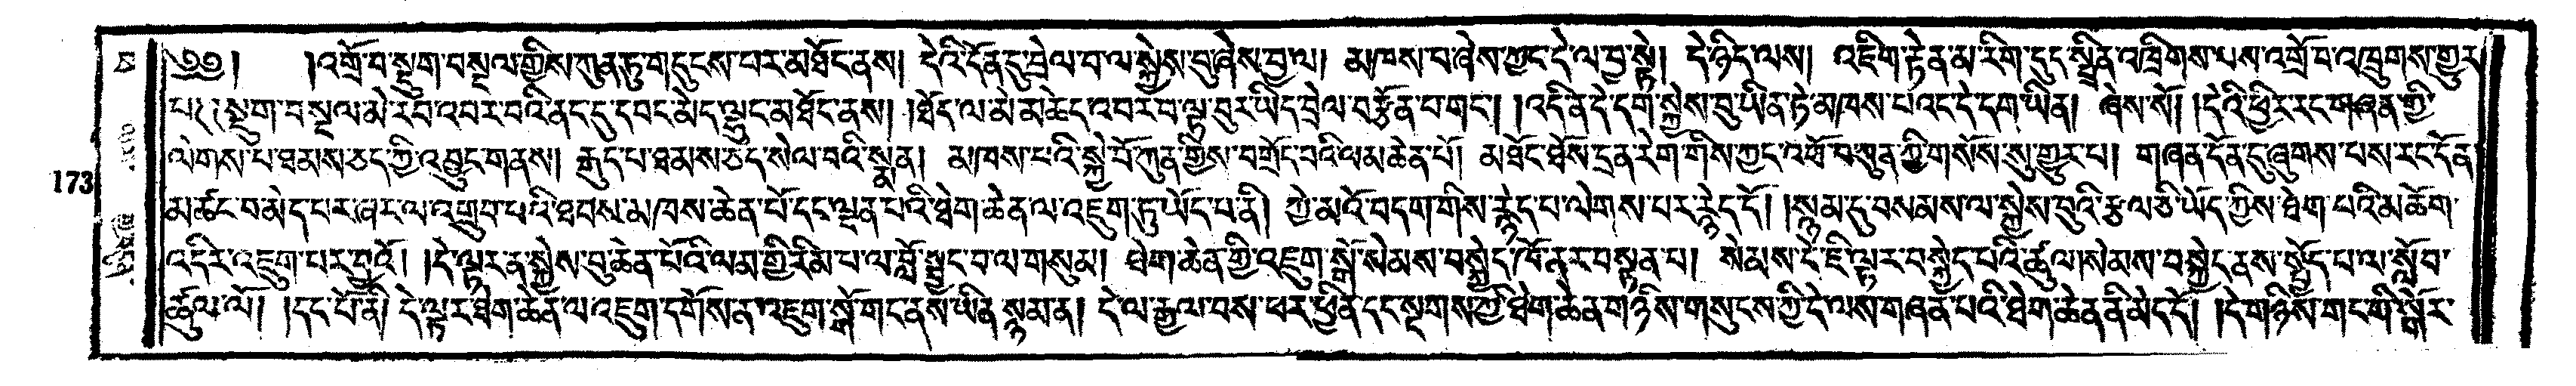༄༅། །འགྲོ་བ་སྡུག་བསྔལ་གྱིས་ཀུན་ཏུ་གདུངས་པར་མཐོང་ནས། དེའི་དོན་དུ་བྲེལ་བ་ལ་སྐྱེས་བུ་ཞེས་བྱ་ལ། མཁས་བ་ཞེས་ཀྱང་དེ་ལ་བྱ་སྟེ། དེ་ཉིད་ལས། འཇིག་རྟེན་མ་རིག་དུད་སྦྲིན་འཁྲིགས་པས་འགྲོ་བ་འཁྲུགས་གྱུར་
པ༑ ༑སྡུག་བསྔལ་མེ་རབ་འབར་བའི་ནང་དུ་དབང་མེད་ལྷུང་མཐོང་ནས། །ཐོད་ལ་མེ་མཆེད་འབར་བ་ལྟ་བུར་ཡིད་བྲེལ་བརྩོན་པ་གང་། །འདི་ན་དེ་དག་སྐྱེས་བུ་ཡིན་ཏེ་མཁས་པའང་དེ་དག་ཡིན། ཞེས་སོ། །དེའི་ཕྱིར་རང་གཞན་གྱི་
ལེགས་པ་ཐམས་ཅད་ཀྱི་འབྱུང་གནས། རྒུད་པ་ཐམས་ཅད་སེལ་བའི་སྨན། མཁས་པའི་སྐྱེ་བོ་ཀུན་གྱིས་བགྲོད་བའི་ལམ་ཆེན་པོ། མཐོང་ཐོས་དྲན་རེག་གིས་ཀྱང་འགོ་བ་ཀུན་ཀྱི་གསོས་སུ་གྱུར་པ། གཞན་དོན་དུ་ཞུགས་པས་རང་དོན་
མ་ཚང་བ་མེད་པར་ཞར་ལ་འགྲུབ་པའི་ཐབས་མཁས་ཆེན་པོ་དང་ལྡན་པའི་ཐེག་ཆེན་ལ་འཇུག་ཏུ་ཡོད་པ་ནི། ཀྱེ་མའོ་བདག་གིས་རྙེད་པ་ལེགས་པར་རྙེད་དོ། །སྙམ་དུ་བསམས་ལ་སྐྱེས་བུའི་རྩལ་ཅི་ཡོད་ཀྱིས་ཐེག་པའི་མཆོག་
འདིར་འཇུག་པར་བྱའོ། །དེ་ལྟར་ན་སྐྱེས་བུ་ཆེན་པོའི་ལམ་གྱི་རིམ་པ་ལ་བློ་སྦྱང་བ་ལ་གསུམ། ཐེག་ཆེན་གྱི་འཇུག་སྒོ་སེམས་བསྐྱེད་ཁོ་ནར་བསྟན་པ། སེམས་དེ་ཇི་ལྟར་བསྐྱེད་པའི་ཚུལ། སེམས་བསྐྱེད་ནས་སྦྱོད་པ་ལ་སློབ་
ཚུལ་ལོ། །དང་པོ་ནི། དེ་ལྟར་ཐེག་ཆེན་ལ་འཇུག་དགོས་ན་འཇུག་སྒོ་གང་ནས་ཡིན་སྙམ་ན། དེ་ལ་རྒྱལ་བས་ཕར་ཕྱིན་དང་སྔགས་ཀྱི་ཐེག་ཆེན་གཉིས་གསུངས་ཀྱི་དེ་ལས་གཞན་པའི་ཐེག་ཆེན་ནི་མེད་དོ། །དེ་གཉིས་གང་གི་སྒོར་